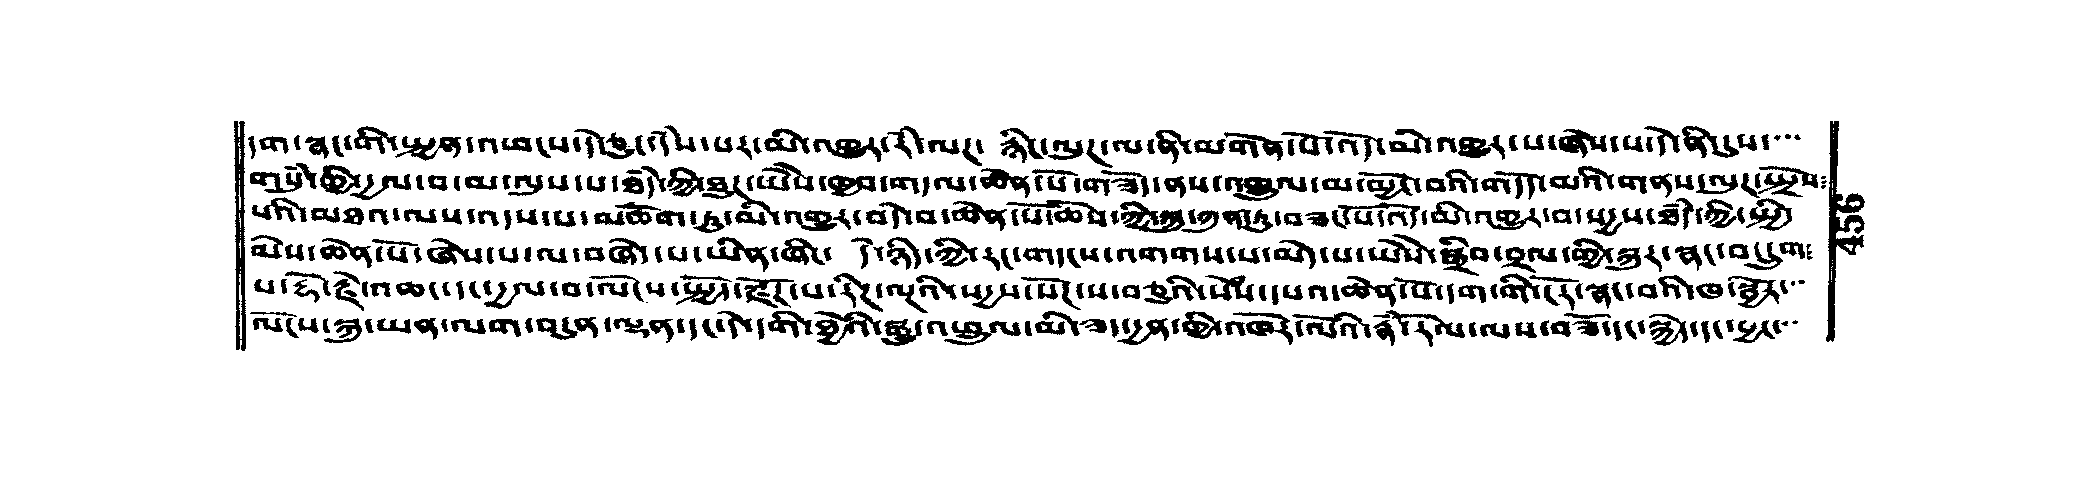དག་སྣང་གི་སྤྱན་འཕངས་དེ་ཅུང་དམའ་པར་མི་འགྱུར་རམ་ལགས། རྙིང་ལུགས་ལ་ནི་མགོན་པོ་འོད་མི་འགྱུར་པ་ཞེས་པ་དེ་ནི་དུས་
གསུམ་གྱི་རྒྱལ་བ་མ་ལུས་པ་ཐམས་ཅད་ཀྱི་ཐུགས་ཡེ་ཤེས་ཁྱབ་གདལ་ཆེན་པོ་གཟོད་ནས་འཁྲུལ་མ་མྱོང་བའི་གདོད་མའི་གནས་ལུགས་སྤྲོས་
པའི་མཐའ་ལས་འདས་པ་མཆོག་ཏུ་མི་འགྱུར་བདེ་བ་ཆེན་པོ་ཆོས་ཀྱི་སྐུ་ཀུན་ཏུ་བཟང་པོ་འོད་མི་འགྱུར་བ་སངས་རྒྱས་ཐམས་ཅད་ཀྱི་སྤྱི་
མེས་ཆེན་པོ་ཞེས་པ་ལ་བཞེད་པ་ཡིན་ཞིང་། དེ་ཉིད་ཀྱི་རང་གདངས་འགག་པ་མེད་པ་ཡེ་ཤེས་སྒྲིབ་བྲལ་གྱི་སྐུར་སྣང་བ་དྲུག་
པ་རྡོ་རྗེ་འཆང་དང་རྒྱལ་བ་ལོངས་སྤྱོད་རྫོགས་པ་རིགས་ལྔའི་སངས་རྒྱས་སོགས་ས་བཅུའི་སེམས་དཔའ་ཆེན་པོ་དག་གི་ངོར་སྣང་བའི་ཁ་སྦྱོར་
ལོངས་སྐུ་ཡན་ལག་བདུན་ལྡན་དང་དེ་དག་གི་ཐུགས་རྗེའི་སྒྱུ་འཕྲུལ་མི་ཟད་རྒྱན་གྱི་འཁོར་ལོའི་རྣམ་རོལ་ལས་བཟོ་དང་སྐྱེ་དང་བྱང་